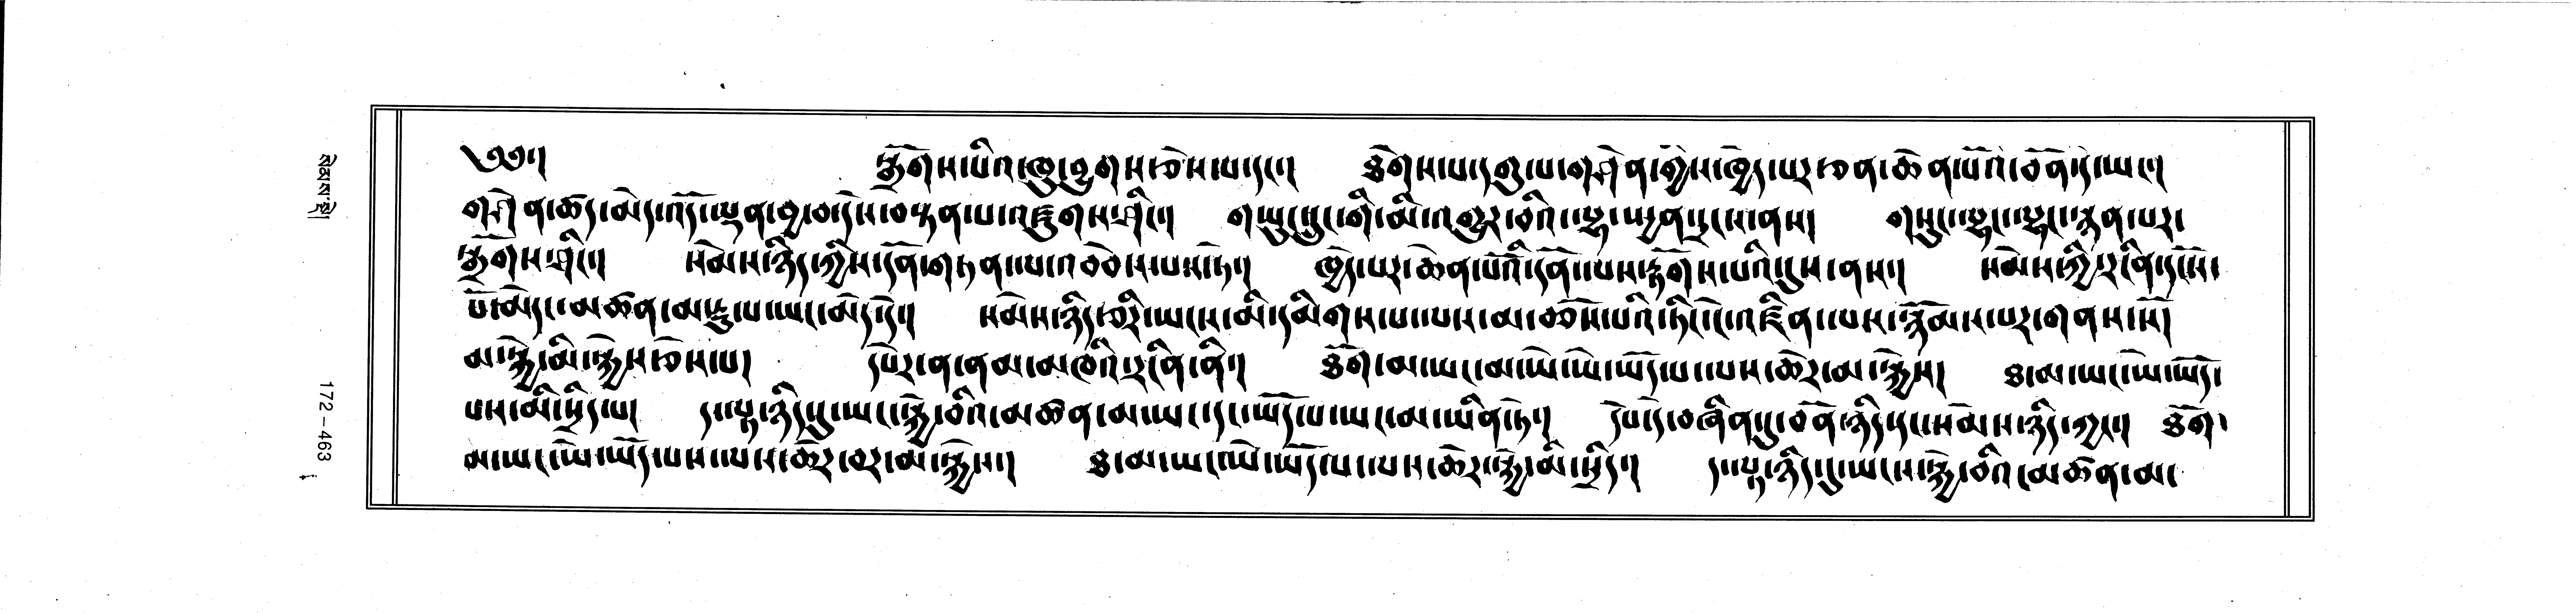སྒྲོགས་པའི་ཁུ་བྱུག་ཅེས་པ་དང་། ཐེག་པ་དགུ་པ་གཤེན་གྱིས་ཁྱེད་པར་ཅན་ཆེན་པོའི་བོན་དེ་ཡང་། 
གཤེན་ཚད་མེད་འོད་ལྡན་བྱ་བ་དེས་བསྟན་པ་འཛུགས་ཤིང་། གཡུང་དྲུང་གི་མི་འགྱུར་བའི་ལྷ་སྤྱན་དྲངས་ནས། གསུང་ལྷང་ལྷང་སྙན་པར་
སྒྲོགས་ཤིང་། སེམས་ཉིད་ཀྱིས་དོན་གཏན་ལ་འབེབས་པས་ཏེ། ཁྱེད་པར་ཆེན་པོའི་དོན་ལས་རྟོགས་པའི་དུས་ནས། སེམས་ཀྱི་རང་བཞིན་དངོས་
པོ་དང་མཚན་མ་རྡུལ་ཡང་མེད་དེ། སེམས་ཉིད་ཅིར་ཡང་མི་དམིགས་པ་ལས་མ་བཅོས་པའི་ཏིང་ངེ་འཛིན་ལས་སྙོམས་པར་གནས་སོ། 
མ་སྐྱེ་མི་སྐྱེས་ཅེས་པ། དཔེར་ན་ནམ་མཁའི་རང་བཞིན་ནི། ཐོག་མ་ཡང་མ་ཡེ་ཡོད་པ་ལས་ཆེར་མ་སྐྱེས། ཐ་མ་ཡང་ཡེ་ཡོད་
པས་མི་སྲིད་པ། ད་ལྟ་ཉིད་དུ་ཡང་སྐྱེ་བའི་མཚན་མ་ཡང་མ་ཡིན་ཏེ། དེས་དེ་བཞིན་བོན་ཉིད་དང་སེམས་ཉིད་ཀྱང་། ཐོག་
མ་ཡང་ཡི་ཤེས་ཡོད་པས་ལ་གྲོགས་བར་མ་སྐྱེས་། ཐ་མ་ཡང་བསོ་ཡོད་ལས་ཆེར་སྐྱེ་མི་སྲིད་ ད་ལྟ་ཉིད་དུ་ཡང་སྐྱེ་བའི་མཚན་མ།